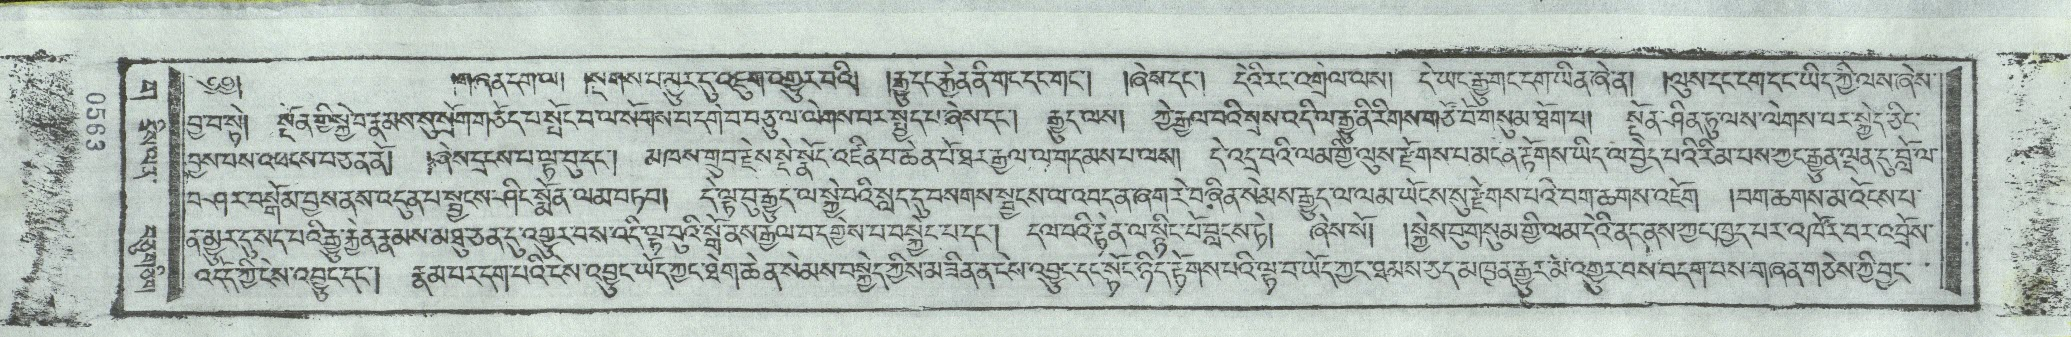༄༅། །གཞན་དག་ལ། །སྔགས་པ་མྱུར་དུ་འཇུག་འགྱུར་བའི། །རྒྱུ་དང་རྐྱེན་ནི་གང་དང་གང་། །ཞེས་དང་། དེའི་རང་འགྲེལ་ལས། དེ་ཡང་རྒྱུ་གང་དག་ཡིན་ཞེ་ན། །ལུས་དང་ངག་དང་ཡིད་ཀྱི་ལས་ཞེས་
བྱ་བ་སྟེ། སྔོན་གྱི་སྐྱེ་བ་རྣམས་སུ་སྲོག་གཅོད་པ་སྤོང་བ་ལ་སོགས་པ་དགེ་བ་བཅུ་ལ་ལེགས་པར་སྤྱད་པ་ཞེས་དང་། རྒྱུད་ལས། ཀྱེ་རྒྱལ་བའི་སྲས་འདི་ལ་རྒྱུ་ནི་རིགས་གཙོ་བོ་གསུམ་ཐོག་པ། སྔོན་ཤིན་ཏུ་ལས་ལེགས་པར་སྐྱེད་ཅིང་
བྱས་པས་འཕངས་པ་ཅན་ནོ། །ཞེས་དྲངས་པ་ལྟ་བུ་དང་། མཁས་གྲུབ་རྗེས་སྡེ་སྣོད་འཛིན་པ་ཆེན་པོ་ཐར་རྒྱལ་ལ་གདམས་པ་ལས། དེ་འདྲ་བའི་ལམ་གྱི་ལུས་རྫོགས་པ་མངན་རྟོགས་ཡིད་ལ་བྱེད་པའི་རིམ་པས་ཀྱང་རྒྱུན་ལྡན་དུ་བློ་ལ་
བཤར་བསྒོམ་བྱས་ནས་འདུན་པ་སྦྱངས་ཤིང་སྨོན་ལམ་བཏབ། དེ་ལྟ་བུ་རྒྱུད་ལ་སྐྱེ་བའི་སླད་དུ་བསགས་སྦྱངས་ལ་འབད་ན་ཞག་རེ་བཞིན་སེམས་རྒྱུད་ལ་ལམ་ཡོངས་སུ་རྫོགས་པའི་བག་ཆགས་འཇོག །བག་ཆགས་མ་འོངས་པ་
ན་མྱུར་དུ་སད་པའི་རྒྱུ་རྐྱེན་རྣམས་མཐུ་ཅན་དུ་འགྱུར་བས་འདི་ལྟ་བུའི་སྒོ་ནས་རྒྱལ་བ་དགྱེས་པ་བསྐྱེད་པ་དང་། དལ་བའི་རྟེན་ལ་སྙིང་པོ་བླངས་ཏེ། ཞེས་སོ། །སྐྱེས་བུ་གསུམ་གྱི་ལམ་དེའི་ནང་ནས་ཀྱང་ཁྱད་པར་འཁོར་བར་འབྲོས་
འདོད་ཀྱི་ངེས་འབྱུང་དང་། རྣམ་པར་དག་པའི་ངེས་འབྱུང་ཡོད་ཀྱང་ཐེག་ཆེན་སེམས་བསྐྱེད་ཀྱིས་མ་ཟིན་ན་ངེས་འབྱུང་དང་སྟོང་ཉིད་རྟོགས་པའི་ལྟ་བ་ཡོད་ཀྱང་ཐམས་ཅད་མཁྱན་རྒྱུར་མ་འགྱུར་བས་བདག་པས་གཞན་གཅེས་ཀྱི་བྱང་